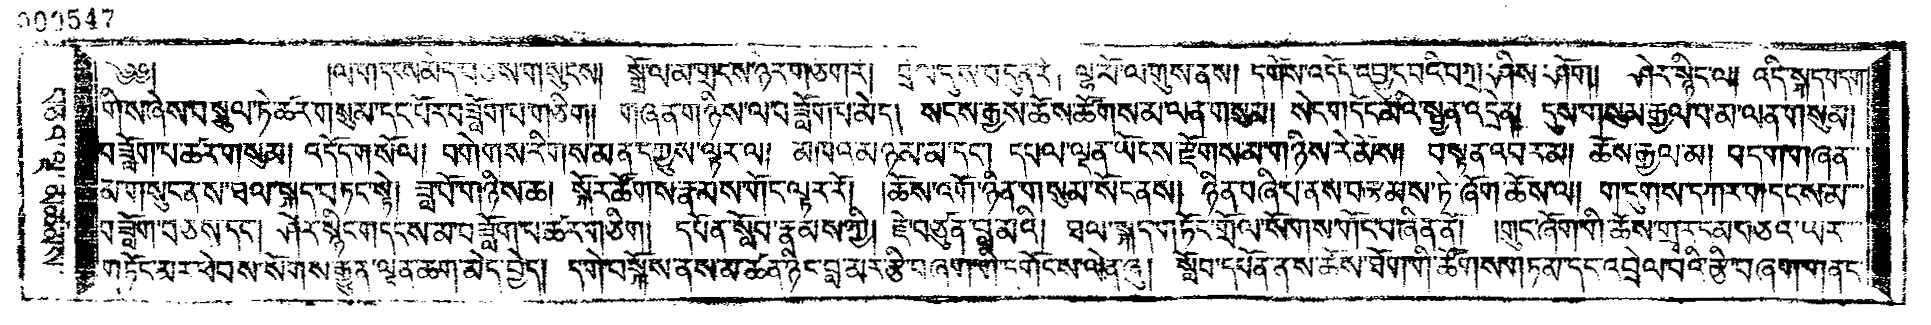༄༅། །ལ་གདངས་མེད་བཅས་གསུངས། སྒྲོལ་མ་གྲངས་ཉེར་གཅིག་རེ། བྲེལ་དུས་བདུན་རེ། ལྷ་མོ་ལ་གུས་ནས། དགོས་འདོད་འབྱུང་བའི་བཀྲ་ཤིས་ཤོག །ཤེར་སྙིང་ལ། འདི་སྐད་བདག་
གིས་ཞེས་བསྐུལ་ཏེ་ཚར་གསུམ་དང་པོར་བཟློག་པ་གཅིག །གཞན་གཉིས་ལ་བཟློག་པ་མེད། སངས་རྒྱས་ཆོས་ཚོགས་མ་ལན་གསུམ། སེང་གདོང་མའི་སྤྱན་འདྲེན། དུས་གསུམ་རྒྱལ་བ་མ་ལན་གསུམ།
བཟློག་པ་ཚར་གསུམ། འདོད་གསོལ། བགེགས་རིགས་མན་དཀྱུས་ལྟར་ལ། མཁའ་མཉམ་མ་དང་། དཔལ་ལྡན་ཡོངས་རྫོགས་མ་གཉིས་རེ་མོས། བསྟན་འབར་མ། ཆོས་རྒྱལ་མ། བདག་གཞན་
མ་གསུང་ནས་ཐལ་སྐད་བཏང་སྟེ། ཟླ་བོ་གཉིས་ཆ། སྐོར་ཚོགས་རྣམས་གོང་ལྟར་རོ། །ཆོས་འགོ་ཉིན་གསུམ་སོང་ནས། ཉིན་བཞི་པ་ནས་བརྩམས་ཏེ་ཞོག་ཆོས་ལ། གདུགས་དཀར་གདངས་མ་
བཟློག་བཅས་དང་། ཤར་སྙིང་གདངས་མ་བཟློག་པ་ཚར་གཅིག །དཔོན་སློབ་རྣམས་ཀྱི། རྗེ་བཙུན་བླ་མའི། ཐལ་སྐད་གཏོང་གྲོལ་སོགས་གོང་བ་བཞིན་ནོ། །གུང་ཞོག་གི་ཆོས་གྲྭ་ར་དམ་བཅའ་ཡར་
གཏོང་མར་ཕེབས་སོགས་རྒྱུན་ལྡན་ཆག་མེད་བྱེད། དགེ་བསྐོས་ནས་མཚན་ཉིད་བླ་མར་རྩི་བཞག་གི་དགོངས་ལེན་ཞུ། སློབ་དཔོན་ནས་ཆོས་ཐོག་གི་ཚོགས་གཏམ་དང་འབྲེལ་བའི་རྩི་བཞག་གནང་